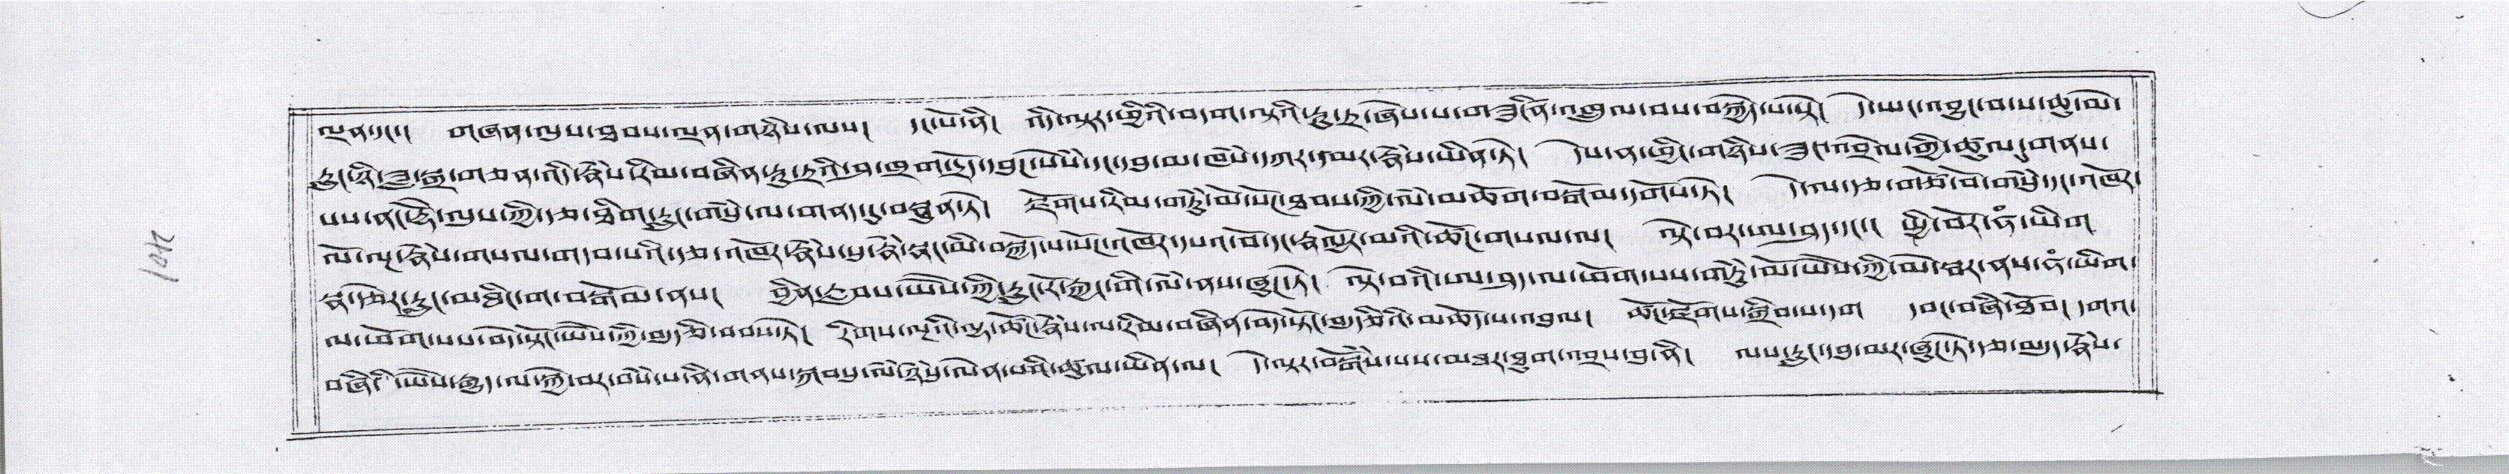ལྡན་དང་། གཞན་ལུས་ཐབས་ལྡན་གཉིས་ལས། དང་པོ་ནི། འདི་ལྟར་ཕྱིའི་བདག་ལྟའི་རུ་ཏྲ་ཞེས་པ་གཟུང་འཛིན་འཁྲུལ་པས་བསྐྱེད་པ་སྟེ། དེ་ཡང་འབྱུང་བ་ས་ཆུ་མེ་
རླུང་ཉི་ཟླ་སྒྲ་གཅན་འདི་རྣམས་རིམ་བཞིན་རུ་ཏྲའི་ཤ་ཁྲག་དྲོད་དབུགས་སེམས་དང་དབུ་མ་ཁམས་དམར་རྣམས་ཡིན་ཏེ། དེས་ན་ཕྱི་ནང་གཉིས་ཟུང་འབྲེལ་གྱི་ཚུལ་དུ་གནས་
པས་ནང་རྡོ་རྗེ་ལུས་རྩ་ཐིག་རླུང་གསུམ་ལ་གནད་དུ་བསྣུན་ཏེ་རྫོགས་རིམ་གཏུམ་མོ་སོགས་ཐབས་ཀྱི་ལམ་མཆོག་བསྒོམ་དགོས་ཏེ། དེ་ལ་རྩ་གཙོ་བོ་གསུམ་དང་འཁོར་
ལོ་ལྔ་རྣམས་གསལ་གདབ་པའི་རྩ་འཁོར་རྣམས་སུ་རྣམ་སྣང་མི་བསྐྱོད་པ་སོགས་འཁོར་དཔའ་བོི་དང་རྣལ་འབྱོར་མའི་ཚོགས་གསལ་ལ། ལྟེ་བར་ཨ་ཤད་དང་། སྤྱི་བོར་ཧཾ་ཡིག 
སྣ་རྩེར་རླུང་མཐིང་ག་བསྒོམ་ནས། བྱིན་རླབས་ཡེ་ཤེས་ཀྱི་རླུང་རོ་རྐྱང་གི་ལམ་ནས་ཞུགས་ཏེ། ལྟེ་བའི་ཨ་ཤད་ལ་ཕོགས་པས་གཏུམ་མོ་ཡེ་ཤེས་ཀྱི་མེ་སྦར་ནས་ཧཾ་ཡིག་
ལ་ཕོག་པས་བདེ་སྟོང་ཡེ་ཤེས་ཀྱི་བདུད་རྩི་བབས་ཏེ། རིགས་ལྔའི་ལྷ་ཚོགས་རྣམས་ལ་རིམ་བཞིན་བདེ་སྟོང་བདུད་རྩིའི་མཆོད་པ་འབུལ། ཚོགས་རྫོགས་སྒྲིབ་པ་དག དབང་བཞི་ཐོབ། དགའ་
བཞིའི་ཡེ་ཤེས་རྒྱུད་ལ་སྐྱེ་བར་བསམ་པ་ནི་གནས་སྐབས་སུ་ལམ་ཉམས་སུ་ལེན་པའི་ཚུལ་ཡིན་ལ། དེ་ལྟར་བསྒོམ་པས་མཐར་ཐུག་འབྲས་བུ་ནི། ལས་རླུང་དབུ་མར་ཞུགས་ཏེ་རྩ་མདུད་རྣམས་